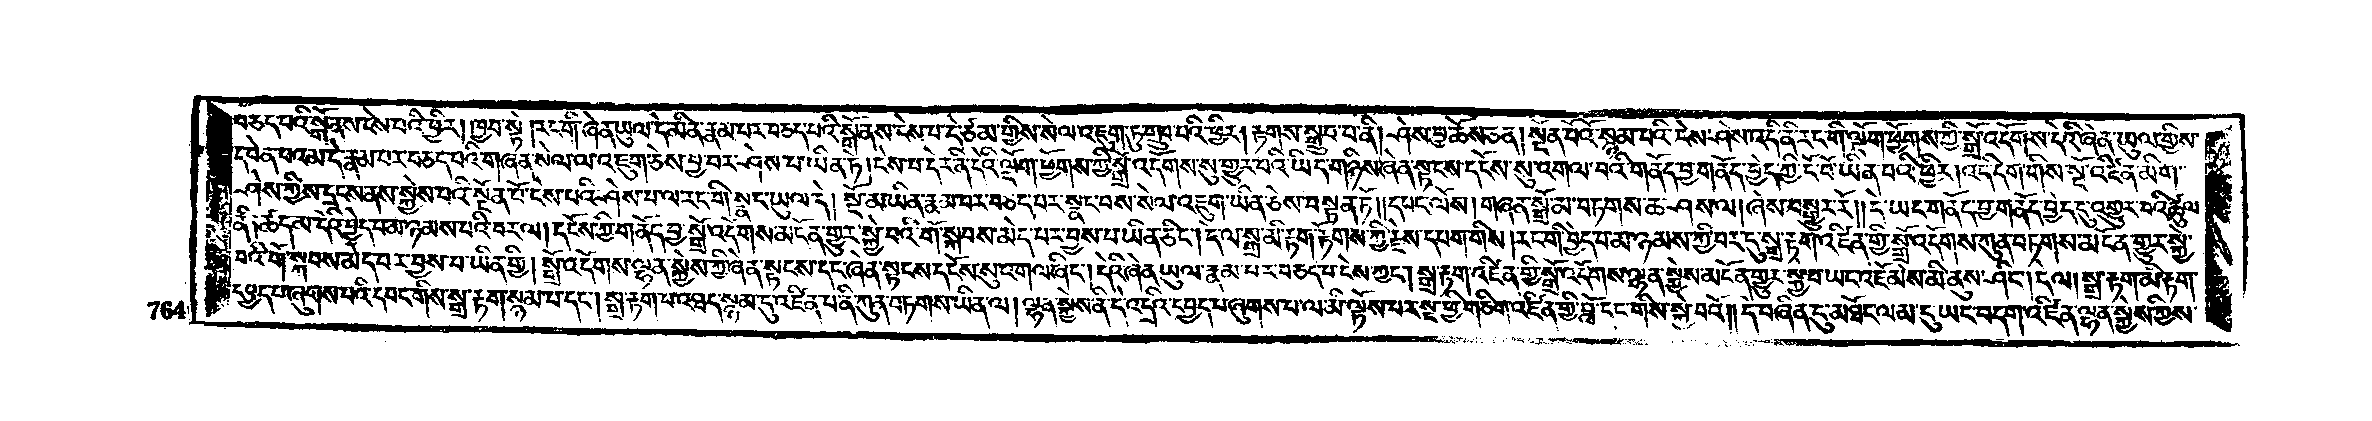བཅད་པའི་སྒོ་ནས་ངེས་པའི་ཕྱིར། ཁྱབ་སྟེ། རང་གི་ཞེན་ཡུལ་དེ་མིན་རྣམ་པར་བཅད་པའི་སྒོ་ནས་ངེས་པ་དེ་ཙམ་གྱིས་སེལ་འཇུག་ཏུ་གྲུབ་པའི་ཕྱིར། རྟགས་སྒྲུབ་པ་ནི། ཤེས་བྱ་ཆོས་ཅན། སྔོན་པོའོ་སྙམ་པའི་ངེས་ཤེས་འདི་ནི་རང་གི་ལྡོག་ཕྱོགས་ཀྱི་སྒྲོ་འདོགས་དེའི་ཞེན་ཡུལ་གྱིས་
དབེན་པའམ་དེ་རྣམ་པར་བཅད་པའི་གཞན་སེལ་ལ་འཇུག་ཅེས་བྱ་བར་ཤེས་པ་ཡིན་ཏེ། ངེས་པ་དེར་ནི་དེའི་ལྡོག་ཕྱོགས་ཀྱི་སྒྲོ་འདོགས་སུ་གྱུར་པའི་ཡིད་གཉིས་ཞེན་སྟངས་དངོས་སུ་འགལ་བའི་གནོད་བྱ་གནོད་བྱེད་ཀྱི་ངོ་བོ་ཡིན་པའི་ཕྱིར། འདི་དག་གིས་སྔོ་འཛིན་མིག་
ཤེས་ཀྱིས་དྲངས་ནས་སྐྱེས་པའི་སྔོན་པོ་ངེས་པའི་ཤེས་པ་ལ་རང་གི་སྣང་ཡུལ་དེ། སྔོ་མ་ཡིན་རྣམ་པར་བཅད་པར་སྣང་བས་སེལ་འཇུག་ཡིན་ཅེས་བསྟན་ཏོ། །དཔང་ལོས། གཞན་སྒྲོ་མ་བཏགས་ཆ་ཤས་ལ། ཞེས་བསྒྱུར་རོ། །དེ་ཡང་གནོད་བྱ་གནོད་བྱེད་དུ་འགྱུར་བའི་ཚུལ་
ནི། ཚད་མ་དེའི་བྱེད་པ་མ་ཉམས་པའི་བར་ལ། དངོས་ཀྱི་གནོད་བྱ་སྒྲོ་འདོགས་མངོན་གྱུར་སྐྱེ་བའི་གོ་སྐབས་མེད་པར་བྱས་པ་ཡིན་ཅིང་། དེ་ལ་སྒྲ་མི་རྟག་རྟོགས་ཀྱི་རྗེས་དཔག་གིས། རང་གི་བྱེད་པ་མ་ཉམས་ཀྱི་བར་དུ་སྒྲ་རྟག་འཛིན་གྱི་སྒྲོ་འདོགས་ཀུན་བཏགས་མངོན་གྱུར་སྐྱེ་
བའི་གོ་སྐབས་མེད་པར་བྱས་པ་ཡིན་གྱི། སྒྲོ་འདོགས་ལྷན་སྐྱེས་ཀྱི་ཞེན་སྟངས་དང་ཞེན་སྟངས་དངོས་སུ་འགལ་ཞིང་། དེའི་ཞེན་ཡུལ་རྣམ་པར་བཅད་པ་ངེས་ཀྱང་། སྒྲ་རྟག་འཛིན་གྱི་སྒྲོ་འདོགས་ལྷན་སྐྱེས་མངོན་གྱུར་སྐྱེ་བ་ཡང་འཇོམས་མི་ནུས་ཤིང་། དེ་ལ། སྒྲ་རྟག་མི་རྟག་
དཔྱད་པ་ཞུགས་པའི་དབང་གིས་སྒྲ་རྟག་སྙམ་པ་དང་། སྒྲ་རྟག་པ་འཐད་སྙམ་དུ་འཛིན་པ་ནི་ཀུན་བཏགས་ཡིན་ལ། ལྷན་སྐྱེས་ནི་དེ་འདྲའི་དཔྱད་པ་ཞུགས་པ་ལ་མི་ལྟོས་པར་སྔ་ཕྱི་གཅིག་འཛིན་གྱི་བློ་དང་གིས་སྐྱེ་བའོ། །དེ་བཞིན་དུ་མཐོང་ལམ་དུ་ཡང་བདག་འཛིན་ལྷན་སྐྱེས་ཀྱིས་